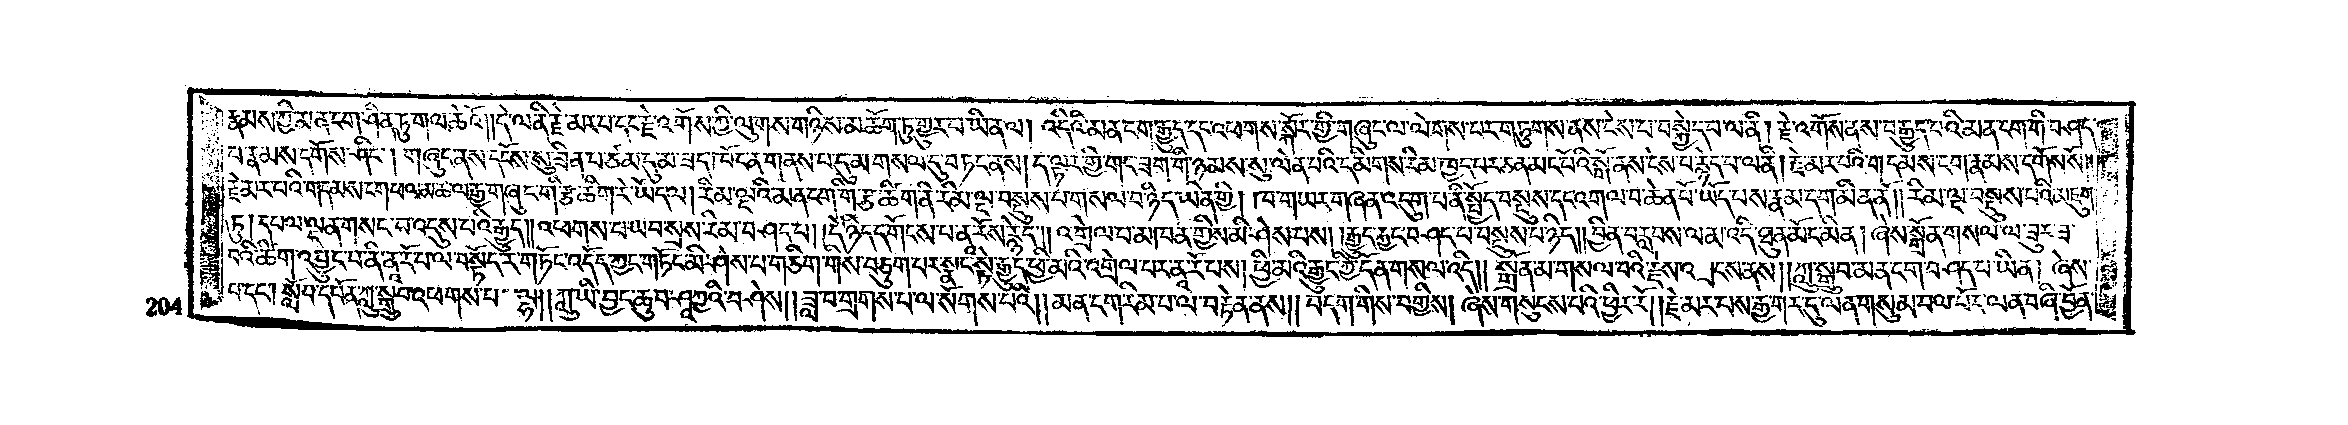རྣམས་ཀྱི་མན་ངག་ཤིན་ཏུ་གལ་ཆེའོ། །དེ་ལ་ནི་རྗེ་མར་པ་དང་རྗེ་འགོས་ཀྱི་ལུགས་གཉིས་མཆོག་ཏུ་གྱུར་བ་ཡིན་ལ། འདིའི་མན་ངག་རྒྱུད་དང་འཕགས་སྐོར་གྱི་གཞུང་ལ་ལེགས་པར་གཏུགས་ནས་ངེས་པ་བསྐྱེད་པ་ལ་ནི། རྗེ་འགོས་ནས་བརྒྱུད་པའི་མན་ངག་གི་བཤད་
པ་རྣམས་དགོས་ཤིང་། གཞུང་ནས་དངོས་སུ་ཟིན་པ་ཙམ་དུ་མ་ཟད་ཁོང་ན་གནས་པ་དུ་མ་གསལ་དུ་བཏང་ནས། དེ་ལྟར་གྱི་གང་ཟག་གི་ཉམས་སུ་ལེན་པའི་དམིགས་རིམ་ཁྱད་པར་ཅན་མང་པོའི་སྒོ་ནས་ངེས་པ་རྙེད་པ་ལ་ནི། རྗེ་མར་པའི་གདམས་ངག་རྣམས་དགོས་སོ།
རྗེ་མར་པའི་གདམས་ངག་ཕལ་མོ་ཆེ་ལ་རྒྱ་གཞུང་གི་རྩ་ཚིག་རེ་ཡོད་ལ། རིམ་ལྔའི་མན་ངག་གི་རྩ་ཚིག་ནི་རིམ་ལྔ་བསྡུས་པ་གསལ་བ་ཉིད་ཡིན་གྱི། བ་གཡར་གཞན་འདུག་པ་ནི་སྤྱོད་བསྡུས་དང་འགལ་བ་ཆེན་པོ་ཡོད་པས་རྣམ་དག་མིན་ནོ། །རིམ་ལྔ་བསྡུས་པའི་མཇུག་
ཏུ། དཔལ་ལྡན་གསང་བ་འདུས་པའི་རྒྱུད། །འཕགས་པ་ཡབ་སྲས་རིམ་བཤད་པ། །དེ་ཉིད་དགོངས་པ་ནཱ་རོས་རྙེད། །འགྲེལ་པ་མཁན་གྱིས་མི་ཤེས་པས། །རྒྱུད་རྐྱང་བཤད་པ་བསྡུས་པ་ཉིད། །བྱིན་བརླབས་ལམ་འདི་ཐུན་མོང་མིན། ཞེས་སྒྲོན་གསལ་ལ་ཟུར་ཟ་
བའི་ཚིག་འབྱུང་བ་ནི་ནཱ་རོ་པ་ལ་བསྟོད་ར་གཏོང་འདོད་ཀྱང་གཏོང་མི་ཤེས་པ་གཅིག་གིས་བཅུག་པར་སྣང་སྟེ་རྒྱུད་ཕྱི་མའི་འགྲེལ་པར་ནཱ་རོ་པས། ཕྱི་མའི་རྒྱུད་ཀྱི་དོན་གསལ་འདི། །སྒྲོན་མ་གསལ་བའི་རྗེས་འགྲངས་ནས། །ཀླུ་སྒྲུབ་མན་ངག་བཤད་པ་ཡིན། ཞེས་
པ་དང་། སློབ་དཔོན་ཀླུ་སྒྲུབ་འཕགས་པ་ལྷ། །ཀླུ་ཡི་བྱང་ཆུབ་ཤཱཀྱའི་བཤེས། །ཟླ་བ་གྲགས་པ་ལ་སོགས་པའི། །མན་ངག་རིམ་པ་ལ་བརྟེན་ནས། །བདག་གིས་བགྱིས། ཞེས་གསུངས་པའི་ཕྱིར་རོ། །རྗེ་མར་པས་རྒྱ་གར་དུ་ལན་གསུམ་བལ་པོར་ལན་བཞི་བྱོན་